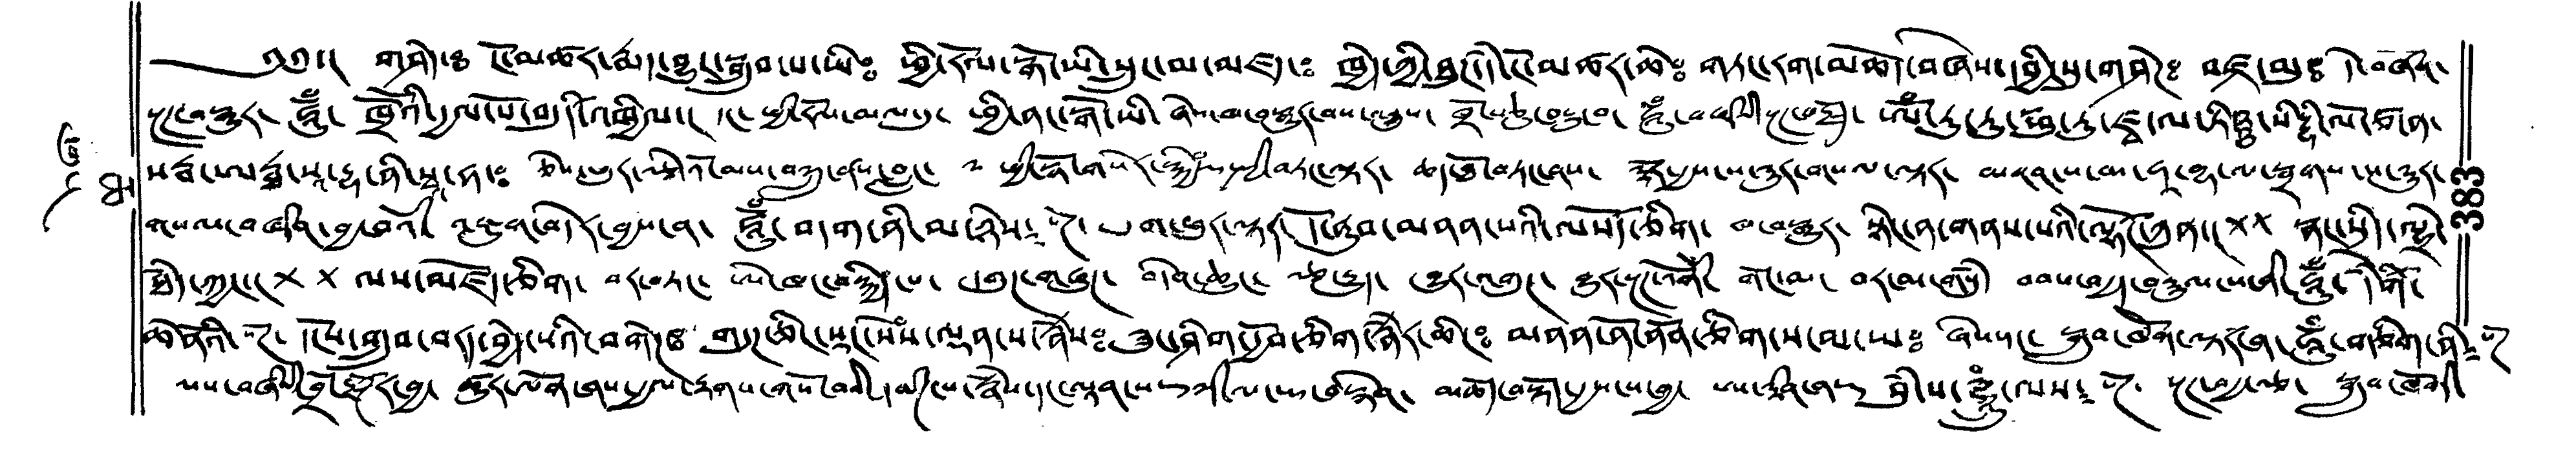གཤེད༔ ངོ་མཚར་རྨད་བྱུང་སྒྲུབ་པ་ཡི༔ ཕྱི་རོལ་སྒོ་ཡི་སྲུང་མ་མཛད༔ ཁྱེད་ཀྱི་ཐུགས་དམ་ངོ་མཚར་ཆེ༔ གཏང་རག་མཆོད་བཞེས་དབྱིངས་སུ་གཤེགས༔ བཛྲ་མུཿ དེ་བཞིན་
སྔགས་བསྒྱུར། ཧཱུྃ༔ ཁྲོ་བོའི་རྒྱལ་པོ་བདུད་རྩི་འཁྱིལ༔ དང་། ཕྱི་རོལ་མལ་དུ། ཕྱི་ནང་སྒོ་ཡི༴ ཞེས་ཁ་བསྒྱུར་བས་འཐུས།ཁྲོ་བཅུ་བསྡུ་བ། ཧཱུྃ་བཞིའི་སྔགས་བརྗོད། ཨོཾ་རུ་རུ་སྥུ་རུ་ཛྭ་ལ་ཏིཥྛ་སིདྡྷི་ལོ་ཙ་ན་
སརྦ་ཨརྠ་སཱ་དྷ་ནི་སྭཱ་ཧཱཿ ཅེས་ཕུར་རྩེ་འོ་མས་བཀྲུ་ནས་བླང་། ༈ ཕྱི་སྒོ་གསེར་སྐྱེམས་སྤྱི་བཏང་ལྟར། ཆད་ཐོ་བཏང་ནས། ཟོར་རྒྱས་པ་ཟུར་གསལ་ལྟར། མནན་པ་མ་ཧཱ་བྷ་ལ༴ སྦྲགས་པ་ཟུར་
གསལ་བཞིན་བྱ་བའམ། འཇུག་བདེར་བྱས་ན། ཧཱུྃ༔བདག་ནི་མ་ཉེས༴ སོགས། དུག་ཕུར་ལྟར། དོ་ནུབ་མནན་པའི་ལས་མཛོད་ཅིག༔ ཁ་བསྒྱུར། སྟེང་ན་གནས་པའི་ལྷ་ཚོགས་ཀུན། ༴ ༴ སྣང་སྲིད་ལྷ་
འདྲེ་ཐམས་ཅད་ཀྱང་། ༴ ༴ ལས་མཛོད་ཅིག བར་བཏང་། ཨེ་ཁང་བསྐྱེད་པ། དགུགས་གཞུག བདེན་ཆུང་། རྩ་རྒྱུད། བྱུར་འགུགས། བྱུར་སྔགས་འོག་མ། གོང་མ། བར་མ་གསུམ། བབས་བརྒྱད་བསྐུལ་པ་ནི། ཧཱུྃ༔ དམ་ཚིག་
ཆེན་པོའི༴ སོགས། དངོས་གྲུབ་བར་ཆད་བྱེད་པའི་བགེགས༔ གདུག་ཅིང་སྡང་སེམས་ལྡན་པ་རྣམས༔ ཟུང་ཤིག་རྒྱོབ་ཅིག་རྣམ་པར་ཆིངས༔ མནན་ནོ་ནོན་ཅིག་ས་མ་ཡ༔ ཞེས་དང་། སྒྲུབ་ཁོག་ལྟར་ན། ཧཱུྃ༔ གཅིག་ནི༴ སོགས། 
ལས་བཞིའི་བྲོ་རྫོགས་པར་བྱ། ཚུར་ལོག་ནས་རྒྱལ་རྟགས་གསོ་བའི་དམིགས་པ་རྣམས་དང་ལྡན་པས་ཀི་ལ་ཡ་བསྙེན། མཆོད་བསྟོད་རྒྱས་པ་བྱ། ཨ་ཟིན་ནས། བུམ་པ་བྷྲཱུྃ་ལས༴ སོགས། སྔགས་བརྒྱ་རྩ། སྒྲུབ་ཁོག་གི